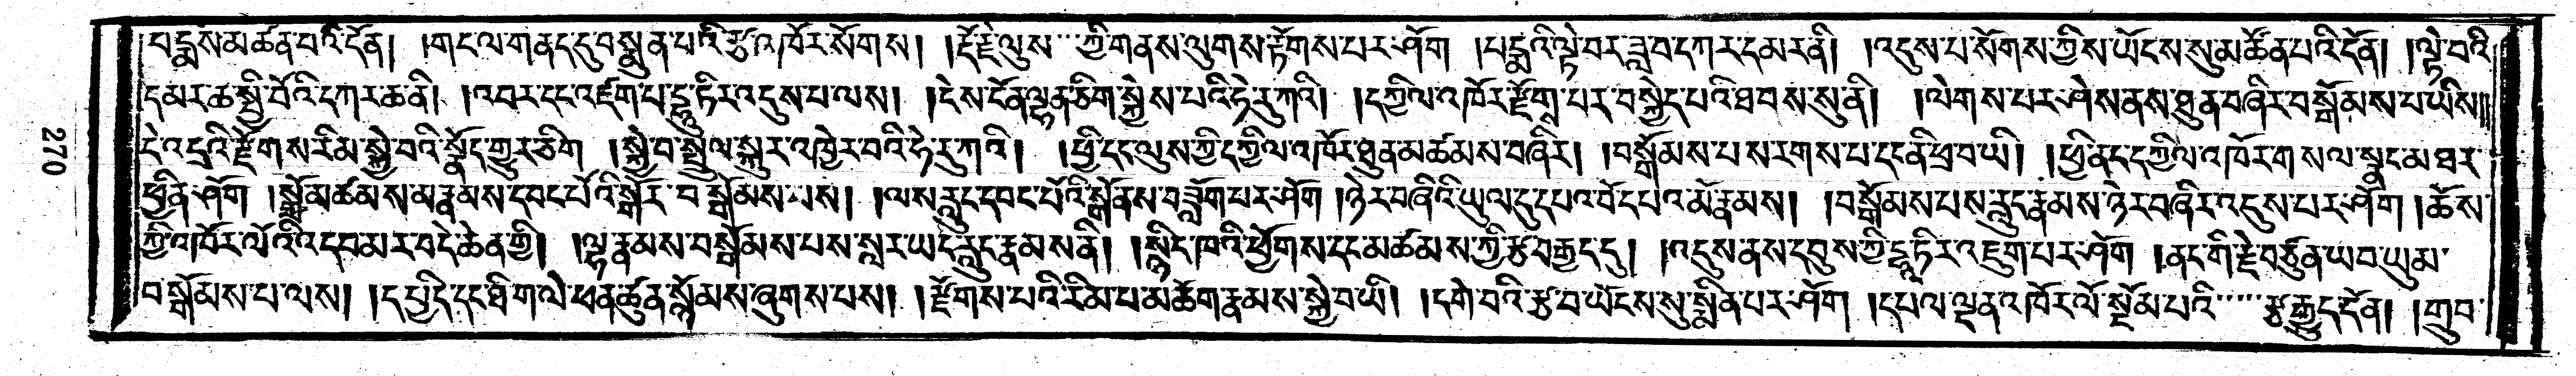པདམས་མཚན་པའི་དོན། །གང་ལ་གནད་དུ་བསྨུན་པའི་རྩ་འཁོར་སོགས། །རྡོ་རྗེ་ལུས་ཀྱི་གནས་ལུགས་རྟོགས་པར་ཤོག །པདམའི་ལྟེ་བར་ཟླ་བ་དཀར་དམར་ནི། །འདུས་པ་སོགས་ཀྱིས་ཡོངས་སུ་མཚོན་པའི་དོན། །ལྟེ་བའི་
དམར་ཆ་སྤྱི་བོའི་དཀར་ཆ་ནི། །འབར་དང་འཛག་པ་དྷཱུ་ཏིར་འདུས་པ་ལས། །དེས་ངོན་ལྷན་ཅིག་སྐྱེས་པའི་ཧེ་རུ་ཀའི། །དཀྱིལ་འཁོར་རྫོགས་པར་བསྐྱེད་པའི་ཐབས་སུ་ནི། །ལེགས་པར་ཤེས་ནས་ཐུན་བཞིར་བསྒོམས་པ་ཡིས།།
དེ་འདྲའི་རྫོགས་རིམ་སྐྱེ་བའི་སྣོད་གྱུར་ཅིག །སྐྱེ་བ་སྤྲུལ་སྐུར་འཁྱེར་བའི་ཧེ་རུ་ཀའི། །ཕྱི་དང་ལུས་ཀྱི་དཀྱིལ་འཁོར་ཐུན་མཚམས་བཞིར། །བསྒོམས་པས་རགས་པ་དང་ནི་ཕྲ་བ་ཡི། །ཕྱི་ནང་དཀྱིལ་འཁོར་གསལ་སྣང་མཐར་
ཕྱིན་ཤོག །སྒྲོ་མཚམས་མ་རྣམས་དབང་པོའི་སྒོར་བསྒོམས་པས། །ལས་རླུང་དབང་པོའི་སྒོ་ནས་བཟློག་པར་ཤོག །ཉེར་བཞིའི་ཡུལ་དུ་དཔའ་བོ་དཔའ་མོ་རྣམས། །བསྒོམས་པས་རླུང་རྣམས་ཉེར་བཞིར་འདུས་པར་ཤོག །ཆོས་
ཀྱི་འཁོར་ལོའི་འདབ་མར་བདེ་ཆེན་གྱི། །ལྷ་རྣམས་བསྒོམས་པས་སླར་ཡང་རླུང་རྣམས་ནི། །སྙིང་ཁའི་ཕྱོགས་དང་མཚམས་ཀྱི་རྩ་བརྒྱད་དུ། །འདུས་ནས་དབུས་ཀྱི་དྷཱ་ཏིར་འཇུག་པར་ཤོག །ནང་གི་རྗེ་བཙུན་ཡབ་ཡུམ་
བསྒོམས་པ་ལས། །དཔྱིད་དང་ཐིག་ལེ་ཕན་ཚུན་སྙོམས་ཞུགས་པས། །རྫོགས་པའི་རིམ་པ་མཆོག་རྣམས་སྐྱེ་བ་ཡི། །དགེ་བའི་རྩ་བ་ཡོངས་སུ་སྨིན་པར་ཤོག །དཔལ་ལྡན་འཁོར་ལོ་སྡོམ་པའི་རྩ་རྒྱུད་དོན། །གྲུབ་